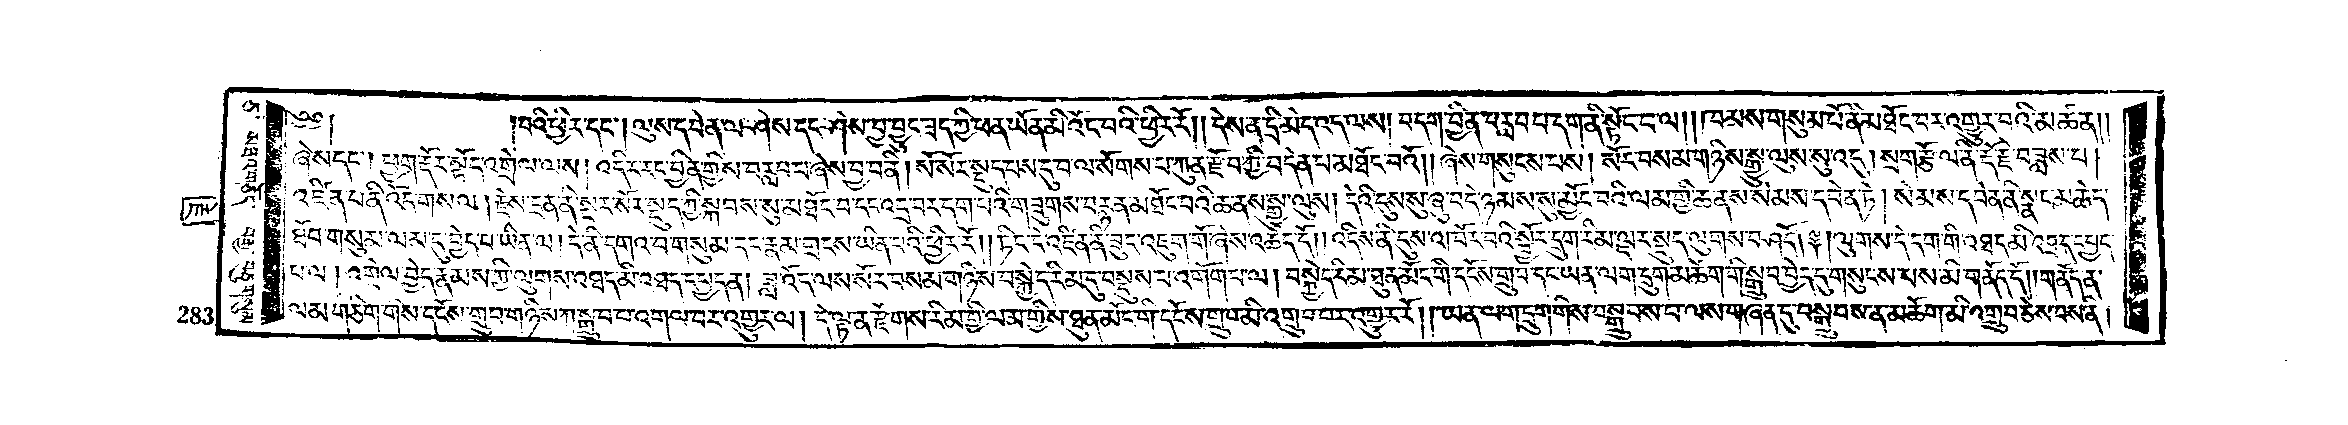༄༅། །བའི་ཕྱིར་དང་། ལུས་དབེན་ལ་ཤེས་དང་ཤེས་བྱ་བྱུང་ཟད་ཀྱི་ཕན་ཡོན་མི་འོང་བའི་ཕྱིར་རོ། །དེས་ན་དྲི་མེད་འོང་ལས། བདག་བྱིན་བརླབ་པ་དག་ནི་སྟོང་པ་ལ། །ཁམས་གསུམ་པོ་ནི་མཐོང་བར་འགྱུར་བའི་མཚན། །
ཞེས་དང་། ཕྱག་རྡོར་སྟོད་འགྲེལ་ལས། འདིར་རང་བྱིན་གྱིས་བརླབ་པ་ཞེས་བྱ་བ་ནི། སོ་སོར་སྡུད་པས་དུ་བ་ལ་སོགས་པ་ཀུན་རྫོབ་ཀྱི་བདེན་པ་མཐོང་བའོ། །ཞེས་གསུངས་པས། སོར་བསམ་གཉིས་སྒྱུ་ལུས་སུ་འདུ། སྲག་རྩོལ་ནི་རྡོ་རྗེ་བཟླས་པ།
འཛིན་པ་ནི་འོད་གསལ། རྗེས་དྲན་ནི་སྔར་སོར་སྡུད་ཀྱི་སྐབས་སུ་མཐོང་བ་དང་འདྲ་བར་དག་པའི་གཟུགས་བརྙན་མཐོང་བའི་ཆ་ནས་སྒྱུ་ལུས། དེའི་དུས་སུ་ཞུ་བ་དེ་ཉམས་སུ་མྱོང་བའི་ལམ་གྱི་ཆ་ནས་སེམས་དབེན་ཏེ། སེམས་དབེན་ནི་སྣང་མཆེད་
ཐོབ་གསུམ་ལམ་དུ་བྱེད་པ་ཡིན་ལ། དེ་ནི་དགའ་བ་གསུམ་དང་རྣམ་གྲངས་ཡིན་པའི་ཕྱིར་རོ། །ཏིང་ངེ་འཛིན་ནི་ཟུང་འཇུག་གོ་ཞེས་འཆད་དོ། །འདིས་ནི་དུས་འཁོར་བའི་སྦྱོར་དྲུག་རིམ་ལྔར་སྡུད་ལུགས་བཤད་དོ། ༈ །ལུགས་དེ་དག་གི་འཐད་མི་འཐད་དཔྱད་
པ་ལ། འགྲེལ་བྱེད་རྣམས་ཀྱི་ལུགས་འཐད་མི་འཐད་དཔྱད་ན། ཟླ་འོད་ལས་སོར་བསམ་གཉིས་བསྐྱེད་རིམ་དུ་བསྡུས་པ་འགོག་པ་ལ། བསྐྱེད་རིམ་ཐུན་མོང་གི་དངོས་གྲུབ་དང་ཡན་ལག་དྲུག་མཆོག་གི་སྒྲུབ་བྱེད་དུ་གསུངས་པས་མི་གནོད་དོ། །གནོད་ན་
ལམ་གཅིག་གིས་དངོས་གྲུབ་གཉིས་ཀ་སྒྲུབ་པ་འགལ་བར་འགྱུར་ལ། དེ་ལྟ་ན་རྫོགས་རིམ་གྱི་ལམ་གྱིས་ཐུན་མོང་གི་དངོས་གྲུབ་མི་འགྲུབ་པར་འགྱུར་རོ། །ཡན་ལག་དྲུག་གིས་བསྒྲུབས་པ་ལས་གཞན་དུ་བསྒྲུབས་ན་མཆོག་མི་འགྲུབ་ཅེས་པས་ནི།